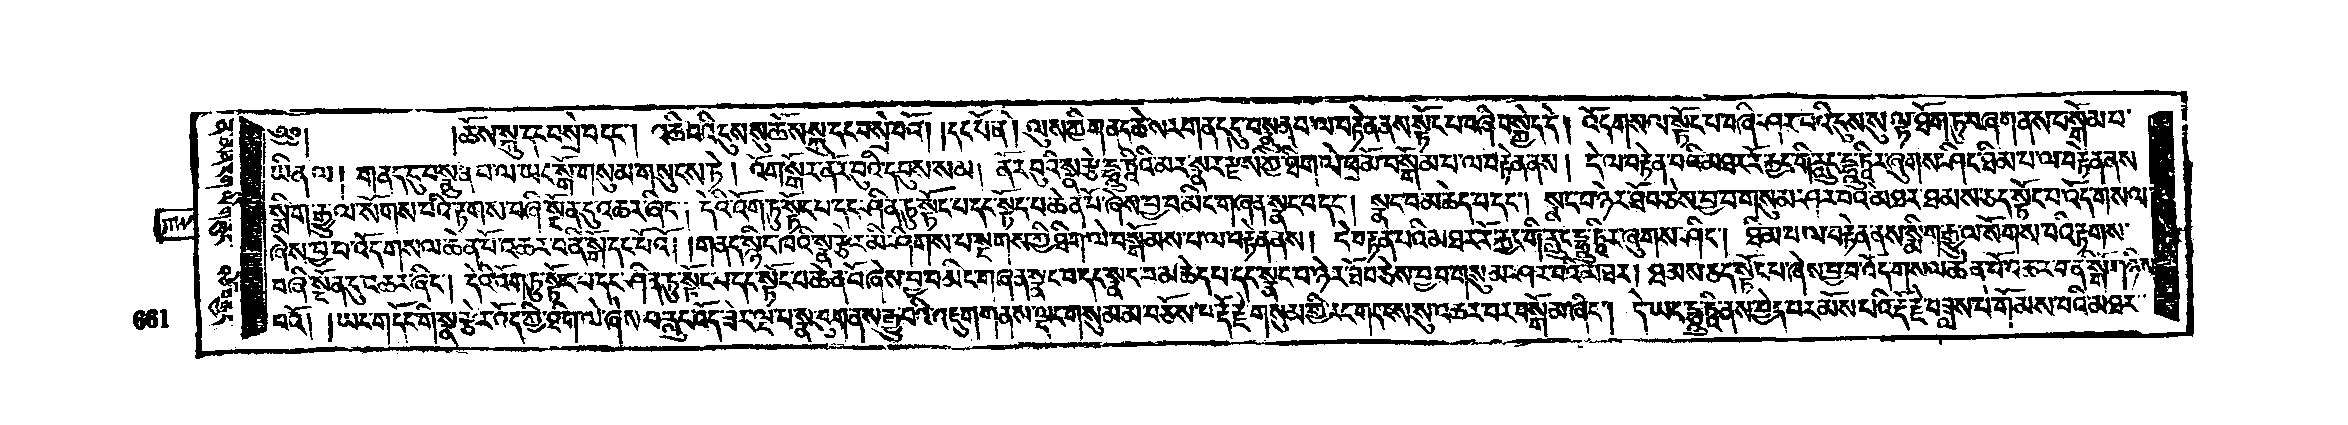༄༅། །ཆོས་སྐུ་དང་བསྲེ་བ་དང་། འཆི་བའི་དུས་སུ་ཆོས་སྐུ་དང་བསྲེ་བའོ། །དང་པོ་ནི། ལུས་ཀྱི་གནད་ཆེ་སར་གནད་དུ་བསྣུན་པ་ལ་བརྟེན་ནས་སྟོང་པ་བཞི་བསྐྱེད་དེ། འོད་གསལ་སྟོང་པ་བཞི་ཤར་བའི་དུས་སུ་ལྟ་ཐོག་ཏུ་བཞག་ནས་བསྒོམ་པ་
ཡིན་ལ། གནད་དུ་བསྣུན་པ་ལ་ཡང་སྒོ་གསུམ་གསུངས་ཏེ། འོག་སྒོར་ནོར་བུའི་དབུས་སམ། ནོར་བུའི་སྣ་རྩེ་དྷཱུ་ཏཱིའི་མར་སྣར་རྫས་ཀྱི་ཐིག་ལེ་ཕྲ་མོ་བསྒོམ་པ་ལ་བརྟེན་ནས། དེ་ལ་བརྟེན་པའི་མཐར་རོ་རྐྱང་གི་རླུང་དྷཱུ་ཏཱིར་ཞུགས་ཤིང་ཐིམ་པ་ལ་བརྟེན་ནས་
སྨིག་རྒྱུ་ལ་སོགས་པའི་རྟགས་བཞི་སྔོན་དུ་འཆར་ཞིང་། དེའི་འོག་ཏུ་སྟོང་པ་དང་ཤིན་ཏུ་སྟོང་པ་དང་སྟོང་པ་ཆེན་པོ་ཞེས་བྱ་བ་མིང་གཞན་སྣང་བ་དང་། སྣང་བ་མཆེད་པ་དང་། སྣང་བ་ཉེར་ཐོབ་ཅེས་བྱ་བ་གསུམ་ཤར་བའི་མཐར་ཐམས་ཅད་སྟོང་པ་འོད་གསལ་
ཞེས་བྱ་བ་འོད་གསལ་ཆེན་པོ་འཆར་བ་ནི་སྒོ་དང་པོའོ། །གནད་སྙིང་ཁའི་སྣ་རྩེར་མི་ཤིགས་པ་སྔགས་ཀྱི་ཐིག་ལེ་བསྒོམས་པ་ལ་བརྟེན་ནས། དེ་བརྟན་པའི་མཐར་རོ་རྐྱང་གི་རླུང་དྷཱུ་ཏཱིར་ཞུགས་ཤིང་། ཐིམ་པ་ལ་བརྟེན་ནས་སྨིག་རྒྱུ་ལ་སོགས་པའི་རྟགས་
བཞི་སྔོན་དུ་འཆར་ཞིང་། དེའི་འོག་ཏུ་སྟོང་པ་དང་ཤིན་ཏུ་སྟོང་པ་དང་སྟོང་པ་ཆེན་པོ་ཞེས་བྱ་བ་མིང་གཞན་སྣང་བ་དང་སྣང་བ་མཆེད་པ་དང་སྣང་བ་ཉེར་ཐོབ་ཅེས་བྱ་བ་གསུམ་ཤར་བའི་མཐར། ཐམས་ཅད་སྟོང་པ་ཞེས་བྱ་བ་འོད་གསལ་ཆེན་པོ་འཆར་བ་ནི་སྒོ་གཉིས་
པའོ། །ཡང་གདོང་གི་སྣ་རྩེར་འོད་ཀྱི་ཐིག་ལེ་ཞེས་པ་རླུང་འོད་ཟེར་ལྔ་པ་སྣ་བུག་ནས་རྒྱུ་བའི་འཇུག་གནས་ལྡང་གསུམ་མ་བཅོས་པ་རྡོ་རྗེ་གསུམ་གྱི་རང་གདངས་སུ་འཆར་བར་བསྒོམ་ཞིང་། དེ་ཡང་དྷཱུ་ཏཱི་ནས་བྱེད་པར་མོས་པའི་རྡོ་རྗེ་བཟླས་པ་གོམས་པའི་མཐར་